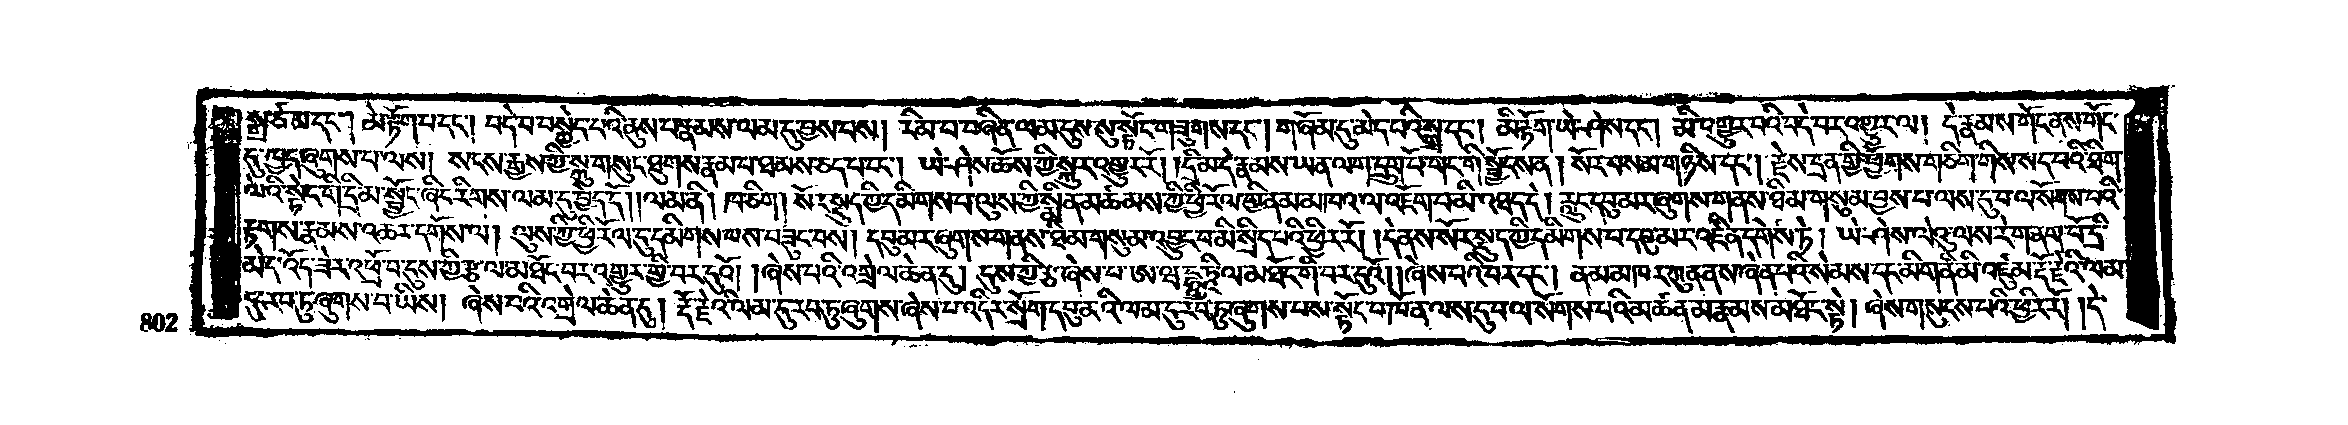སྒྲ་ཙམ་དང་། མེ་རྟོག་པ་དང་། བདེ་བ་བསྐྱེད་པའི་ནུས་པ་རྣམས་ལམ་དུ་བྱས་པས། རིམ་པ་བཞིན་ལམ་དུས་སུ་སྟོང་གཟུགས་དང་། གཞོམ་དུ་མེད་པའི་སྒྲ་དང་། མི་རྟོག་ཡེ་ཤེས་དང་། མི་འགྱུར་བའི་བདེ་བར་འགྱུར་ལ། དེ་རྣམས་གོང་ནས་གོང་
དུ་ཁྱད་ཞུགས་པ་ལས། སངས་རྒྱས་ཀྱི་སྐུ་གསུང་ཐུགས་རྣམ་པ་ཐམས་ཅད་པ་དང་། ཡེ་ཤེས་ཆོས་ཀྱི་སྐུར་འགྱུར་རོ། །དྲི་མ་དེ་རྣམས་ཡན་ལག་དྲུག་པོ་གང་གི་སྦྱོངས་ན། སོར་བསམ་གཉིས་དང་། རྗེས་དྲན་གྱི་ཕྱོགས་གཅིག་གིས་སད་པའི་ཐིག་
ལེའི་སྟེང་གི་དྲི་མ་སྦྱོང་ཞིང་རིགས་ལམ་དུ་བྱེད་དོ། །ལམ་ནི། ཁ་ཅིག །སོར་སྡུད་ཀྱི་དམིགས་པ་ལུས་ཀྱི་སྨིན་མཚམས་ཀྱི་ཕྱི་རོལ་གྱི་ནམ་མཁའ་ལ་འཇོག་པ་མི་འཐད་དེ། རླུང་དབུ་མར་ཞུགས་གནས་ཐིམ་གསུམ་བྱས་པ་ལས་དུ་བ་ལ་སོགས་པའི་
རྟགས་རྣམས་འཆར་དགོས་ལ། ལུས་ཀྱི་ཕྱི་རོལ་དུ་དམིགས་པས་བཟུང་བས། དབུ་མར་ཞུགས་གནས་ཐིམ་གསུམ་འབྱུང་བ་མི་སྲིད་པའི་ཕྱིར་རོ། །དེ་ནས་སོར་སྡུད་ཀྱི་དམིགས་པ་དབུ་མར་འཛིན་དགོས་ཏེ། ཡེ་ཤེས་ལེའུ་ལས་རེ་ག་ནག་པོ་དྲི་
མེད་འོད་ཟེར་འཕྲོ་བ་དུས་ཀྱི་རྩལ་མཐོང་བར་འགྱུར་གྱི་བར་དུའོ། །ཞེས་པའི་འགྲེལ་ཆེན་དུ། དུས་ཀྱི་རྩ་ཞེས་པ་ཨ་ཝ་དྷཱུ་ཏཱི་ལ་མཐོང་གི་བར་དུའོ། །ཞེས་པའི་བར་དང་། ནམ་མཁའ་ཀུན་ནས་ཞེན་པའི་སེམས་དང་མིག་ནི་མི་འཛུམ་རྡོ་རྗེའི་ལམ་
དུ་རབ་ཏུ་ཞུགས་པ་ཡིས། ཞེས་པའི་འགྲེལ་ཆེན་དུ། རྡོ་རྗེའི་ལམ་དུ་རབ་ཏུ་ཞུགས་ཞེས་པ་འདིར་སྲོག་དབུ་མའི་ལམ་དུ་རབ་ཏུ་ཞུགས་པས་སྟོང་པ་ཁོ་ན་ལས་དུ་བ་ལ་སོགས་པའི་མཚན་མ་རྣམས་མཐོང་སྟེ། ཞེས་གསུངས་པའི་ཕྱིར་རོ། །དེ་